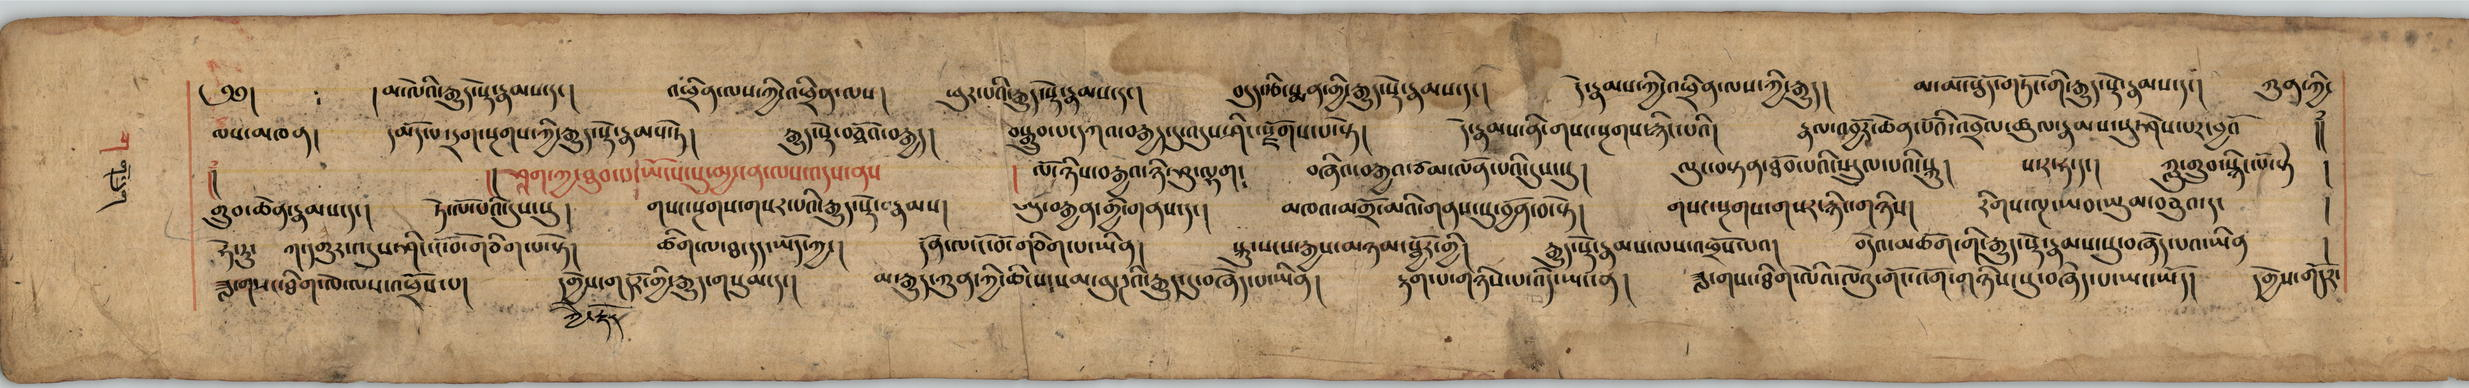༄༅། །མ་ལེའི་རྒྱུད་སྡེ་རྣམས་དང། འཕྲིན་ལས་ཀྱི་འཕྲིན་ལས། ཕུར་པའི་རྒྱུད་སྡེ་རྣམས་དང། བདུད་རྩི་སྨན་གྱི་རྒྱུད་སྡེ་རྣམས་དང། དེ་རྣམས་ཀྱི་འཕྲིན་ལས་ཀྱི་རྒྱུད། མ་མོ་སྦོད་གཏོང་གི་རྒྱུད་སྡེ་རྣམས་དང། ཀུན་ཀྱི་
མས་མཁན། དམོད་པ་དྲག་སྔགས་ཀྱི་རྒྱུད་སྡེ་རྣམས་ཏེ། རྒྱུད་སྡེ་བཅྭོའ་བརྒྱད། བསྒྲུབ་པ་དཀའ་བརྒྱད་དུ་འདུས་ཤིང་སྫོགས་པ་སྟེ། དེ་རྣམས་ནི་གསང་སྔགས་རྙིང་པའི། རྣལ་འབྱོར་ཆེན་པོའི་འབྲེལ་ཚུལ་རྣམས་སུ་ཤེས་པར་བྱའོ
ཀྱ་ཐུབ་པ་ཡོངས་སུ་མྱ་ངན་ལས་འདས་ནས ། ལོ་ཉིས་བརྒྱའ་ཉི་ཤུ་ལྷག། བཞིའ་བརྒྱའ་ཙམ་ལོན་པའི་དུས་སུ། ལུང་བསྟན་ཐོབ་པའི་སྤྲུལ་པའི་སྐུ། ས་ར་ཧ་དང། ཀླུ་གྲུབ་སྙིང་པོ་སྟེ །
གྲུབ་ཆེན་རྣམས་དང། ཏེ་ལོ་པའི་དུས་སུ། གསང་སྔགས་གསར་པའི་རྒྱུད་སྡེ་རྣམས། ཨུ་བརྒྱན་གྱི་གནས་དང། མཁའ་མགྲོ་མའི་གནས་སུ་བྱོན་བ་སྟེ། གསང་སྔགས་གསར་རྙིང་གཉིས། རིགས་ལྔ་ཡབ་ཡུམ་བཅུའ་དང
ཧེ་རུ་ ཀ་དགྱུར་འདུས་ཤིང་ངོ་བོ་གཅིག་པ་སྟེ། ཚིག་ལ་ཐ་དད་ཡོད་ཀྱང། དོན་ལ་ངོ་བོ་གཅིག་པ་ཡིན། སྐུ་སངས་རྒྱས་མཉམ་སྦྱོར་གྱི། རྒྱུད་སྡེ་རྣམས་ལས་འཕྲོས་པའ། བདེའ་མཆོག་གི་རྒྱུད་སྡེ་རྣམས་སུ་བཞེད་པའ་ཡིན
ཟླ་གསང་ཐིག་ལེ་ལས་འཕྲོས་པ། དགྱེས་གདོར་གྱི་རྒྱུད་གསུམ་དང། མ་རྒྱུད་ཀུན་ཀྱི་ཆི་སངས་མ་བུ་ལྔའི་རྒྱུད་དུ་བཞེད་པ་ཡིན། རྟག་པ་གཉིས་པ་འདི་ཡང་ན། ཟླ་གསང་ཐིག་ལེའི་ལེའུ་གོང་འོག་གཉིས་སུ་བཞེད་པ་ཡང་ཡོད། དགྱེས་གདོར་